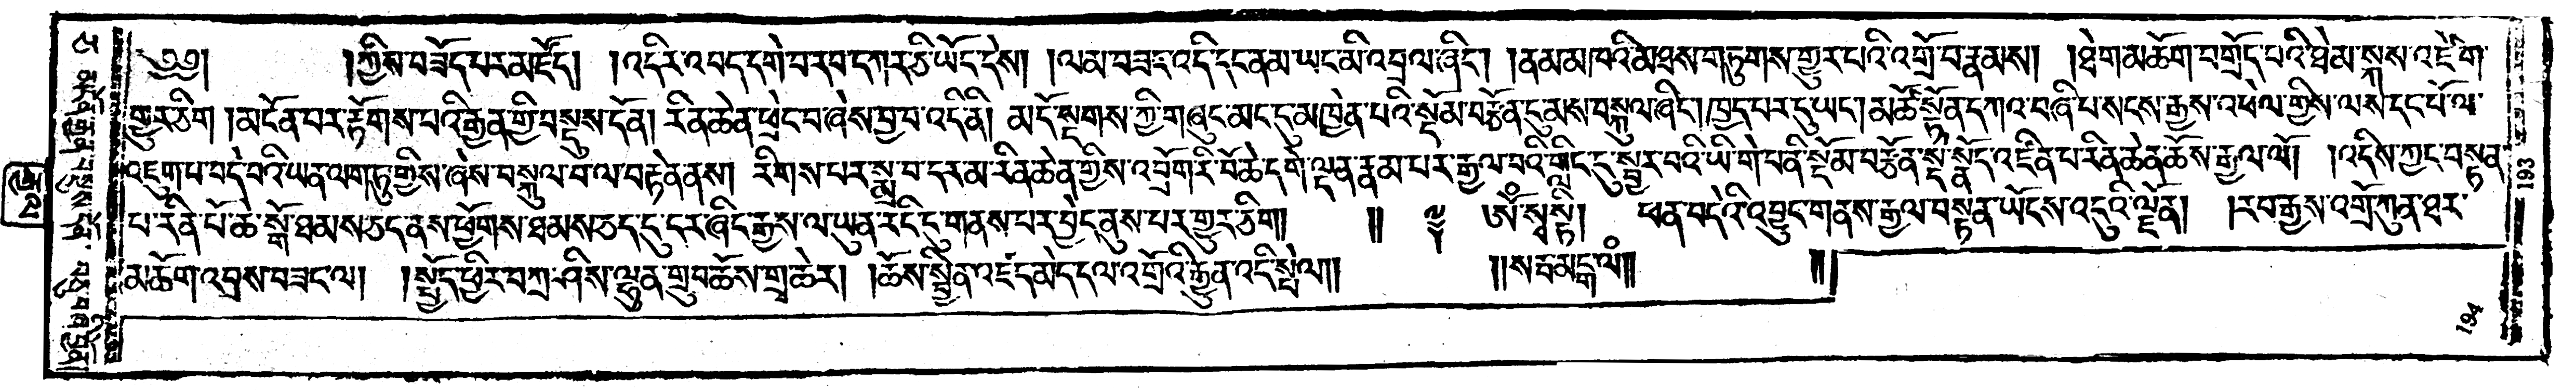༄༅། །ཀྱིས་བཟོད་པར་མཛོད། །འདིར་འབད་དགེ་བ་རབ་དཀར་ཅི་ཡོད་དེས། །ལམ་བཟང་འདི་དང་ནམ་ཡང་མི་འབྲལ་ཞིང་། །ནམ་མཁའི་མཐས་གཏུགས་གྱུར་པའི་འགྲོ་བ་རྣམས། །ཐེག་མཆོག་བགྲོད་པའི་ཐེམ་སྐས་འཛེག་
གྱུར་ཅིག །མངོན་པར་རྟོགས་པའི་རྒྱན་གྱི་བསྡུས་དོན། རིན་ཆེན་ཕྲེང་བ་ཞེས་བྱ་བ་འདི་ནི། མདོ་སྔགས་ཀྱི་གཞུང་མང་དུ་མཁྱེན་པའི་སྡོམ་བརྩོན་དུ་མས་བསྐུལ་ཞིང་། ཁྱད་པར་དུ་ཡང་། མཚོ་སྟོན་དཀའ་བཞི་པ་སངས་རྒྱས་འཕེལ་གྱིས་ལས་དང་པོ་ལ་
འཇུག་པ་བདེ་བའི་ཡན་ལག་ཏུ་གྱིས་ཞེས་བསྐུལ་བ་ལ་བརྟེན་ནས། རིགས་པར་སྨྲ་བ་དར་མ་རིན་ཆེན་གྱིས་འབྲོག་རི་བོ་ཆེ་དགེ་ལྡན་རྣམ་པར་རྒྱལ་བའི་གླིང་དུ་སྦྱར་བའི་ཡི་གེ་པ་ནི་སྡོམ་བརྩོན་སྡེ་སྣོད་འཛིན་པ་རིན་ཆེན་ཆོས་རྒྱལ་ལོ། །འདིས་ཀྱང་བསྟན་
པ་རིན་པོ་ཆེ་སྒོ་ཐམས་ཅད་ནས་ཕྱོགས་ཐམས་ཅད་དུ་དར་ཞིང་རྒྱས་ལ་ཡུན་རིང་དུ་གནས་པར་བྱེད་ནུས་པར་གྱུར་ཅིག། །། ༈ ཨོཾ་སྭསྟི། ཕན་བདེའི་འབྱུང་གནས་རྒྱལ་བསྟན་ཡོངས་འདུའི་ལྗོན། །རབ་རྒྱས་འགྲོ་ཀུན་ཐར་
མཆོག་འབྲས་བཟང་ལ། །སྤྱོད་ཕྱིར་བཀྲ་ཤིས་ལྷུན་གྲུབ་ཆོས་གྲྭ་ཆེར། །ཆོས་སྦྱིན་འཛད་མེད་དལ་འགྲོའི་རྒྱུན་འདི་སྤེལ།། །།སརྦ་མངྒ་ལཾ།། །།